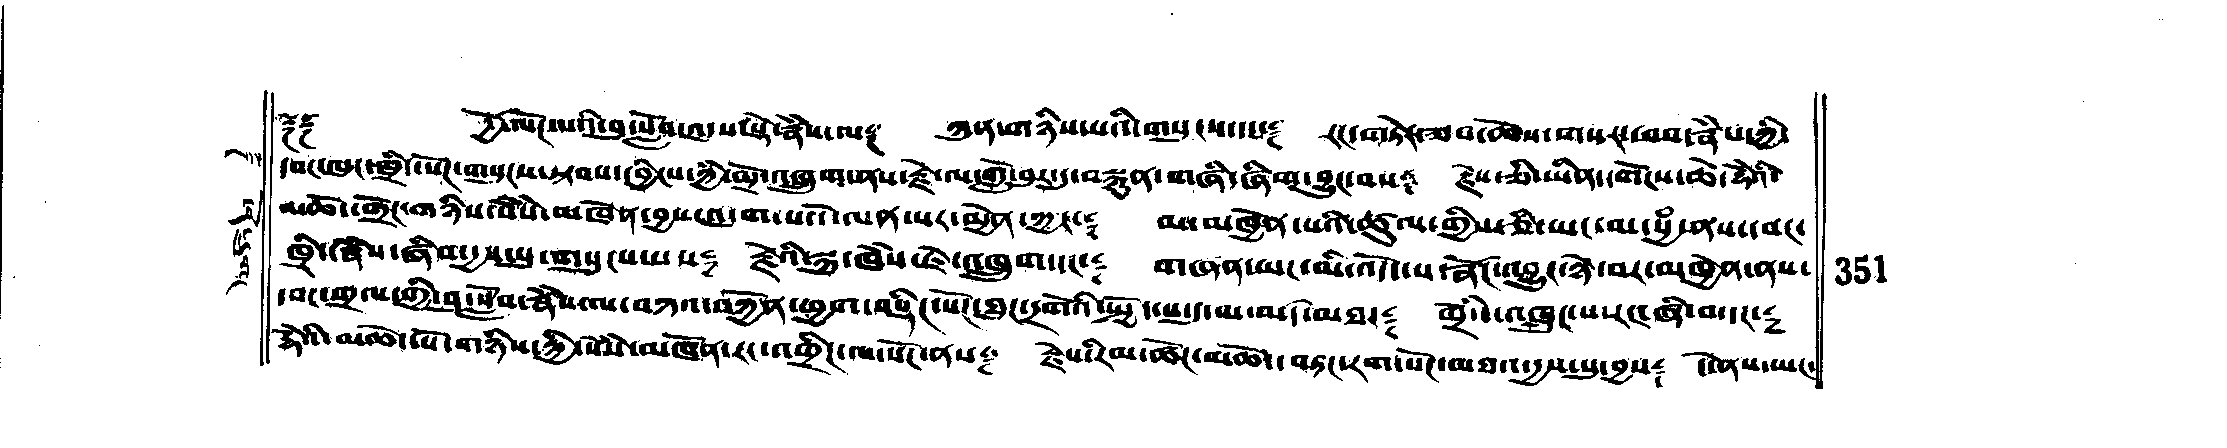རྒྱལ་པོ་ལ་སོགས་པའི་བུ་སློབ་འདུས་སྡེ་རྣམས་ལ།ཀུན་མཁྱེན་གཉིས་པའི་གསུང་དང་། རང་གཏེར་ཟབ་ཆོས་གསར་ཕབ་རྣམས་ཀྱི་
དབང་ལུང་ཁྲིད་སོགས་གསུངས་སྟབས་དབྱིངས་ཀྱི་མཁའ་འགྲོ་འཁྲུག་ནས་རྗེ་ལ་གློ་བུར་དུ་བསྙུན་གཞི་ཞིག་བྱུང་བས། རྗེས་ཅི་ཡིན་དགོངས་ཚེ་རྡོ་རྗེའི་
མཆེད་གྲོགས་གཉིས་སེམས་མཁོན་བྱས་འདུག་པ་དེ་ལན་པར་མཁྱེན་ཀྱང་། མ་མཁྱེན་པའི་ཚུལ་གྱིས་ཅི་ཡང་མ་གསུང་ནས་དབང་
ཁྲིད་རྣམས་ཞིབ་རྒྱས་སུ་གསུངས་པས། རྗེའི་སྐུ་ཁམས་ཇེ་འཁྲུག་དང་། གཞན་ཡང་མི་འདོད་པ་སྣ་ཚོགས་འབྱུང་ཉེ་བར་མཁྱེན་ནས་
དབང་གྲལ་གྱི་བུ་སློབ་རྣམས་ལ་བཀའ་བཀྱོན་ཕྱག་བསྡིགས་སོགས་ཐུགས་དྲག་པོའི་སྤྱོད་པ་དུ་མ་མཛད་མཐར། མཁའ་འགྲོ་དེ་འཁྲུགས་པ་རང་ཞི་བ་དང་། 
རྡོ་རྗེའི་མཆོད་པོ་གཉིས་ཀྱི་སེམས་མཁོན་རང་འགྲིགས་ལ་སོང་ནས། རྗེས་རིམ་ཚོགས་མཆོད་བཏང་རག་སོགས་མཐའ་རྒྱས་སུ་བྱས། དེ་ནས་ཡང་